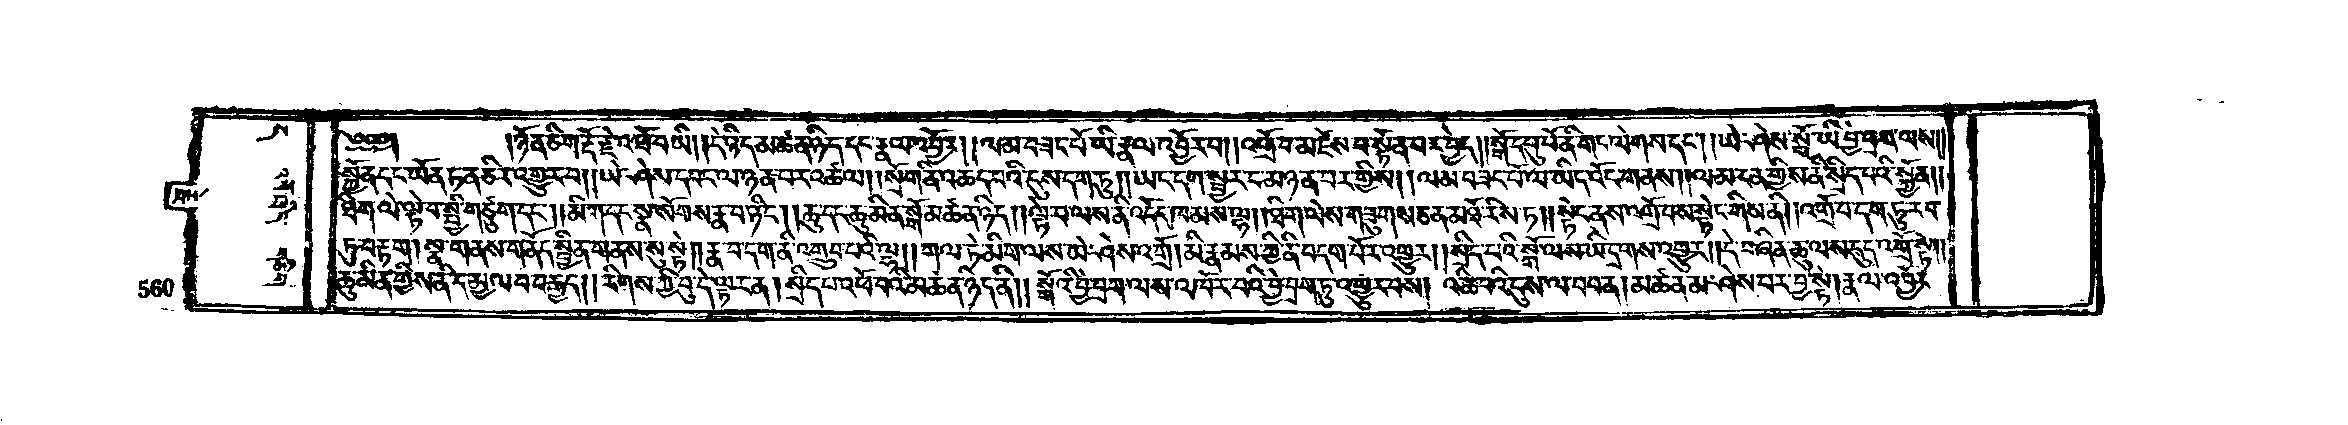༄༅༅། །ཉོན་ཅིག་རྡོ་རྗེ་འཐོ་བ་ཡི། །དེ་ཉིད་མཚན་ཉིད་དང་རྣལ་འབྱོར། །ལམ་བཟང་པོ་ཡི་རྣལ་འབྱོར་བ། །འགྲོ་བ་མཛེས་པ་སྟོན་པར་བྱེད། །སྒོ་དབུ་པོ་ནི་གང་ལེགས་དང་། །ཡེ་ཤེས་སྒོ་ཡི་བྱེ་བྲག་ལས། །
སྐྱོན་དང་ཡོན་ཏན་ཅིར་འགྱུར་བ། །ཡེ་ཤེས་དབང་ལ་ཉན་པར་འཚལ། །སྲོག་ནི་འཆད་པའི་དུས་དག་ཏུ། །ཡང་དག་སྦྱར་བ་མཉན་བར་གྱིས། །ལམ་བཟང་པོ་ལ་ཡིད་འོང་གནས། །ལམ་ངན་གྱིས་ནི་སྲིད་པའི་སྐྱོན། །
ཐིག་ལེ་ལྟེ་བ་སྤྱི་གཙུག་དང་། །མིག་དང་སྣ་སོགས་རྣ་བ་ཉིད། །ཆུ་དང་ཆུ་མིན་སྒོ་མཚན་ཉིད། །ལྟེ་བ་ལས་ནི་འདོད་ཁམས་ལྷ། །ཐིག་ལེས་གཟུགས་ཅན་མཐོ་རིས་ཏེ། །སྟེང་ནས་འགྲོ་བས་སྟེང་གིས་ནི། །འགྲོ་བ་དག་ཏུ་རབ་
ཏུ་བརྟག །སྣ་གནས་གནོད་སྦྱིན་གནས་སུ་སྟེ། །རྣ་བ་དག་ནི་འགྲུབ་པའི་ལྷ། །གལ་ཏེ་མིག་ལས་ཡེ་ཤེས་འགྲོ། མི་རྣམས་ཀྱི་ནི་བདག་པོར་འགྱུར། །སྲིད་པའི་སྒོ་ལས་ཡི་དྲགས་འགྱུར། །དེ་བཞིན་ཆུ་ལས་དུད་འགྲོ་སྟེ། །
ཆུ་མིན་གྱིས་ནི་དམྱལ་བ་བརྒྱད། །རིགས་ཀྱི་བུ་དེ་ལྟར་ན། སྲིད་པ་འཕོ་བའི་མཚན་ཉིད་ནི། །སྒོའི་བྱེ་བྲག་ལས་འཁོར་བའི་བྱེ་བྲག་ཏུ་འགྱུར་བས། འཆི་བའི་དུས་ལ་བབ་ན། མཚན་མ་ཤེས་པར་བྱ་སྟེ། རྣལ་འབྱོར་